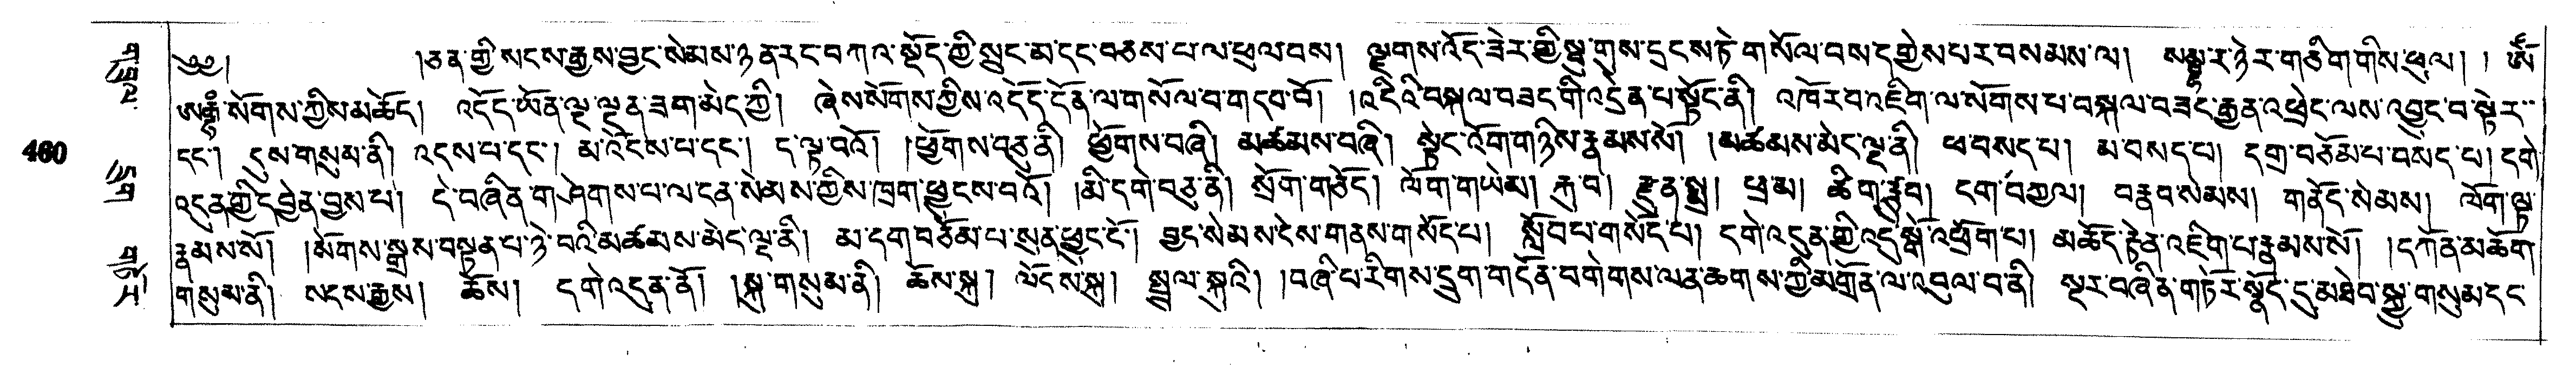༄༅། །ཅན་གྱི་སངས་རྒྱས་བྱང་སེམས་ཉན་རང་བཀའ་སྡོད་ཀྱི་སྲུང་མ་དང་བཅས་པ་ལ་ཕུལ་བས། ལྗགས་འོད་ཟེར་གྱི་སྦུ་གུས་དྲངས་ཏེ་གསོལ་བས་དགྱེས་པར་བསམས་ལ། སམྦྷ་ར་ཉེར་གཅིག་གིས་ཕུལ། །ཨོཾ་
ཨརྒྷཾ་སོགས་ཀྱིས་མཆོད། འདོད་ཡོན་ལྔ་ལྡན་ཟག་མེད་ཀྱི། ཞེས་སོགས་ཀྱིས་འདོད་དོན་ལ་གསོལ་བ་གདབ་བོ། །འདིའི་བསྐལ་བཟང་གི་འདྲེན་པ་སྟོང་ནི། འཁོར་བ་འཇིག་ལ་སོགས་པ་བསྐལ་བཟང་རྒྱན་འཕྲེང་ལས་འབྱུང་བ་སྟེར་
དང་། དུས་གསུམ་ནི། འདས་པ་དང་། མ་འོངས་པ་དང་། ད་ལྟ་བའོ། །ཕྱོགས་བཅུ་ནི། ཕྱོགས་བཞི། མཚམས་བཞི། སྟེང་འོག་གཉིས་རྣམས་སོ། །མཚམས་མེད་ལྔ་ནི། ཕ་བསད་པ། མ་བསད་པ། དགྲ་བཅོམ་པ་བསད་པ། དགེ་
འདུན་གྱི་དབྱེན་བྱས་པ། དེ་བཞིན་གཤེགས་པ་ལ་ངན་སེམས་ཀྱིས་ཁྲག་ཕྱུངས་བའོ། །མི་དགེ་བཅུ་ནི། སྲོག་གཅོད། ལོག་གཡེམ། རྐུ་བ། རྫུན་སྨྲ། ཕྲ་མ། ཚིག་རྩུབ། ངག་བཀྱལ། བརྣབ་སེམས། གནོད་སེམས། ལོག་ལྟ་
རྣམས་སོ། །སོགས་སྒྲས་བསྟན་པ་ཉེ་བའི་མཚམས་མེད་ལྔ་ནི། མ་དག་བཅོམ་པ་སུན་ཕྱུང་ངོ། བྱང་སེམས་ངེས་གནས་གསོད་པ། སློབ་པ་གསོད་པ། དགེ་འདུན་གྱི་འདུ་སྒོ་འཕྲོག་པ། མཆོད་རྟེན་འཇིག་པ་རྣམས་སོ། །དཀོན་མཆོག་
གསུམ་ནི། སངས་རྒྱས། ཆོས། དགེ་འདུན་ནོ། །སྐུ་གསུམ་ནི། ཆོས་སྐུ། ལོངས་སྐུ། སྤྲུལ་སྐུའི། །བཞི་པ་རིགས་དྲུག་གདོན་བགེགས་ལན་ཆགས་ཀྱི་མགྲོན་ལ་འབུལ་བ་ནི། སྔར་བཞིན་གཏོར་སྣོད་དུ་མཐེབ་སྐྱུ་གསུམ་དང་